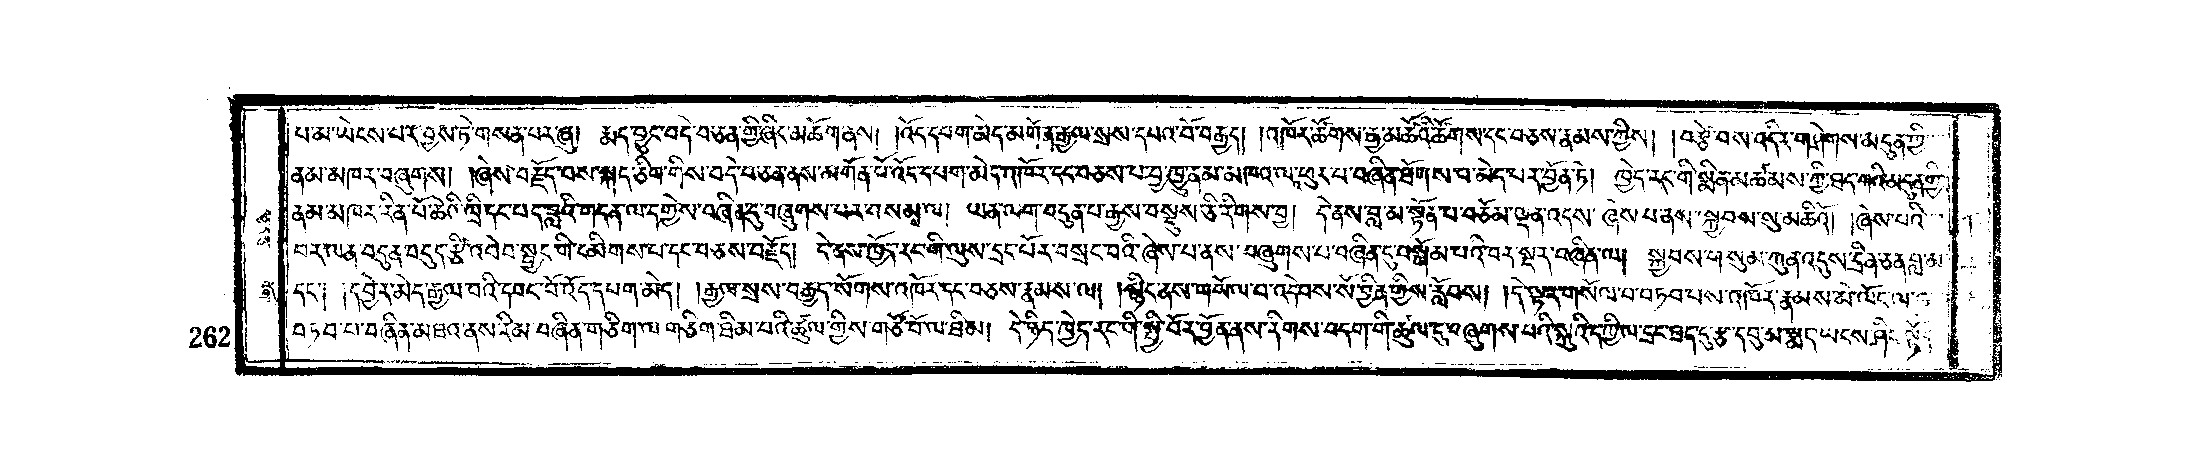པ་མ་ཡེངས་པར་བྱས་ཏེ་གསན་པར་ཞུ། རྨད་བྱུང་བདེ་བ་ཅན་གྱི་ཞིང་མཆོག་ནས། །འོད་དཔག་མེད་མགོན་རྒྱལ་སྲས་དཔའ་བོ་བརྒྱད། །འཁོར་ཚོགས་རྒྱ་མཚོའི་ཚོགས་དང་བཅས་རྣམས་ཀྱིས། །བརྩེ་བས་འདིར་གཤེགས་མདུན་གྱི་
ནམ་མཁར་བཞུགས། །ཞེས་བརྗོད་པས་སྐད་ཅིག་གིས་བདེ་བ་ཅན་ནས་མགོན་པོ་འོད་དཔག་མེད་འཁོར་དང་བཅས་པ་བྱ་ཁྱུ་ནམ་མཁའ་ལ་འཕུར་པ་བཞིན་ཐོགས་པ་མེད་པར་བྱོན་ཏེ། ཁྱེད་རང་གི་སྨིན་མཚམས་ཀྱི་ཐད་ཀའི་མདུན་གྱི་
ནམ་མཁར་རིན་པོ་ཆེའི་ཁྲི་དང་པད་ཟླའི་གདན་ལ་དགྱེས་བཞིན་དུ་བཞུགས་པར་བསམས་ལ། ཡན་ལག་བདུན་པ་རྒྱས་བསྡུས་ཅི་རིགས་བྱ། དེ་ནས་བླ་མ་སྟོན་པ་བཅོམ་ལྡན་འདས་ཞེས་པ་ནས་སྐྱབས་སུ་མཆིའོ། །ཞེས་པའི་
བར་ལན་བདུན་བདུད་རྩི་འབེབ་སྦྱང་གི་དམིགས་པ་དང་བཅས་བརྗོད། དེ་ནས་ཁྱོད་རང་གི་ལུས་དྲང་པོར་བསྲང་བའི་ཞེས་པ་ནས་བཞུགས་པ་བཞིན་དུ་བསྒོམ་པའི་བར་སྔར་བཞིན་ལ། སྐྱབས་གསུམ་ཀུན་འདུས་དྲིན་ཅན་བླ་མ་
དང་། །དབྱེར་མེད་རྒྱལ་བའི་དབང་པོ་འོད་དཔག་མེད། །རྒྱལ་སྲས་བརྒྱད་སོགས་འཁོར་དང་བཅས་རྣམས་ལ། །སྙིང་ནས་གསོལ་བ་འདེབས་སོ་བྱིན་གྱིས་རློབས། །དེ་ལྟར་གསོལ་བ་བཏབ་པས་འཁོར་རྣམས་མེ་ལོང་ལ་ཧ་
བཏབ་པ་བཞིན་མཐའ་ནས་རིམ་བཞིན་གཅིག་ལ་གཅིག་ཐིམ་པའི་ཚུལ་གྱིས་གཙོ་བོ་ལ་ཐིམ། དེ་ཉིད་ཁྱེད་རང་གི་སྤྱི་བོར་བྱོན་ནས་རིགས་བདག་གི་ཚུལ་དུ་བཞུགས་པའི་སྐུའི་དཀྱིལ་དྲང་ཐད་དུ་རྩ་དབུ་མ་སྨད་ཡངས་ཤིང་སྟོད་